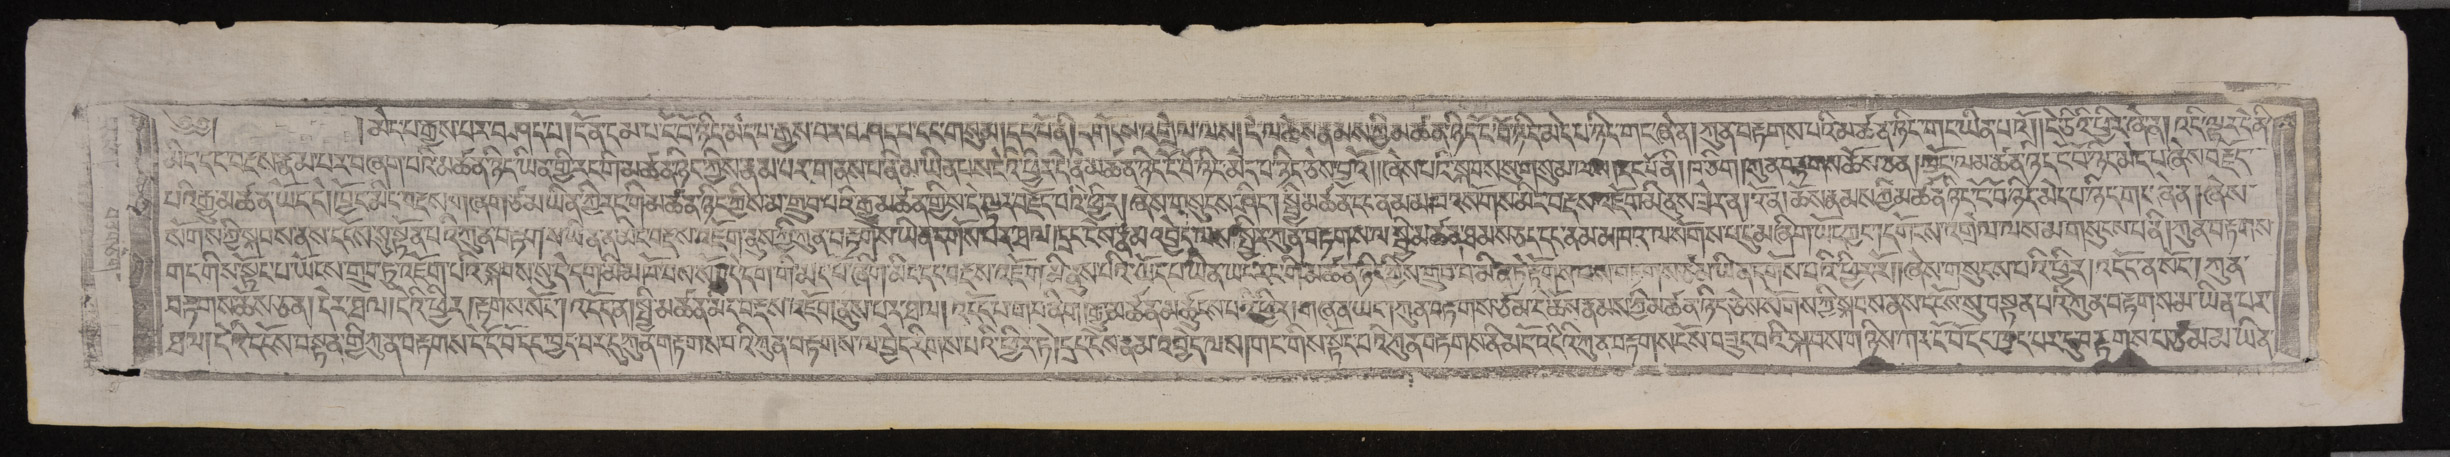༄༅། །མེད་པ་རྒྱས་པར་བཤད་པ། དོན་དམ་པ་ངོ་བོ་ཉིད་མེད་པ་རྒྱས་པར་བཤད་པ་དང་གསུམ། དང་པོ་ནི། དགོངས་འགྲེལ་ལས། དེ་ལ་ཆོས་རྣམས་ཀྱི་མཚན་ཉིད་ངོ་བོ་ཉིད་མེད་པ་ཉིད་གང་ཞེ་ན། ཀུན་བརྟགས་པའི་མཚན་ཉིད་གང་ཡིན་པའོ། །དེ་ཅིའི་ཕྱིར་ཞེ་ན། འཇི་ལྟར་དེ་ནི་
མིང་དང་བརྡས་རྣམ་པར་བཞག་པའི་མཚན་ཉིད་ཡིན་གྱི་རང་གི་མཚན་ཉིད་ཀྱིས་རྣམ་པར་གནས་པ་ནི་མ་ཡིན་པས་དེའི་ཕྱིར་དེ་ནི་མཚན་ཉིད་ངོ་བོ་ཉིད་མེད་པ་ཉིད་ཅེས་བྱའོ། །ཞེས་པའི་སྐབས་སུ་གསུམ་ལས། དང་པོ་ནི། ཁ་ཅིག །ཀུན་བརྟགས་ཆོས་ཅན། ཁྱོད་ལ་མཚན་ཉིད་ངོ་བོ་ཉིད་མེད་པ་ཞེས་བརྗོད་
པའི་རྒྱུ་མཚན་ཡོད་དེ། ཁྱོད་མིང་བརྡས་གཞག་ཙམ་ཡིན་གྱི་རང་གི་མཚན་ཉིད་ཀྱིས་མ་གྲུབ་པའི་རྒྱུ་མཚན་གྱིས་དེ་ལྟར་བརྗོད་པའི་ཕྱིར། ཞེས་གསུངས་ཤིང་། སྤྱི་མཚན་དང་ནམ་མཁའ་སོགས་མིང་བརྡས་འཇོག་མི་ནུས་ཟེར་ན། འོ་ན། ཆོས་རྣམས་ཀྱི་མཚན་ཉིད་ངོ་བོ་ཉིད་མེད་པ་ཉིད་གང་ཞེ་ན། ཞེས་
སོགས་ཀྱི་སྐབས་ནས་དངོས་སུ་སྟོན་པའི་ཀུན་བརྟགས་ཡིན་ན་མིང་བརྡས་འཇོག་ནུས་ཀྱི་ཀུན་བརྟགས་ཡིན་དགོས་པར་ཐལ། དྲང་ངེས་རྣམ་འབྱེད་ལས། སྤྱིར་ཀུན་བརྟགས་ལ་སྤྱི་མཚན་ཐམས་ཅད་དང་ནམ་མཁའ་ལ་སོགས་པ་དུ་མ་ཞིག་ཡོད་ཀྱང་། དགོངས་འགྲེལ་ལས་མ་གསུངས་པ་ནི། ཀུན་བརྟགས་
གང་གིས་སྟོང་པ་ཡོངས་གྲུབ་ཏུ་འཇོག་པའི་སྐབས་སུ་དེ་དག་མི་མཁོ་བས་སོ། །དེ་དག་གི་མང་པོ་ཞིག་མིང་དང་བརྡས་འཇོག་མི་ནུས་པའི་ཡོད་པ་ཡིན་ཡང་རང་གི་མཚན་ཉིད་ཀྱིས་གྲུབ་པ་མིན་ཏེ་རྟོགས་པས་བཏགས་ཙམ་ཡིན་དགོས་པའི་ཕྱིར་རོ། །ཞེས་གསུངས་པའི་ཕྱིར། འདོད་ན་སོང་། ཀུན་
བརྟགས་ཆོས་ཅན། དེར་ཐལ། དེའི་ཕྱིར། རྟགས་སོང་། འདོད་ན། སྤྱི་མཚན་མིང་བརྡས་འཇོག་ནུས་པར་ཐལ། འདོད་པ་གང་ཞིག། རྒྱུ་མཚན་མཚུངས་པའི་ཕྱིར། གཞན་ཡང་། ཀུན་བརྟགས་ཙམ་དེ་ཆོས་རྣམས་ཀྱི་མཚན་ཉིད་ཅེས་སོགས་ཀྱི་སྐབས་ནས་དངོས་སུ་བསྟན་པའི་ཀུན་བརྟགས་མ་ཡིན་པར་
ཐལ། དེའི་དངོས་བསྟན་གྱི་ཀུན་བརྟགས་དེ་ངོ་བོ་དང་ཁྱད་པར་དུ་ཀུན་བརྟགས་པའི་ཀུན་བརྟགས་ལ་བྱེད་རིགས་པའི་ཕྱིར་ཏེ། དྲང་ངེས་རྣམ་འབྱེད་ལས། གང་གིས་སྟོང་པའི་ཀུན་བརྟགས་ནི་མདོ་འདིའི་ཀུན་བརྟགས་ངོས་བཟུང་བའི་སྐབས་གཉིས་ཀར་ངོ་བོ་དང་ཁྱད་པར་དུ་བརྟགས་པ་ཙམ་མ་ཡིན་